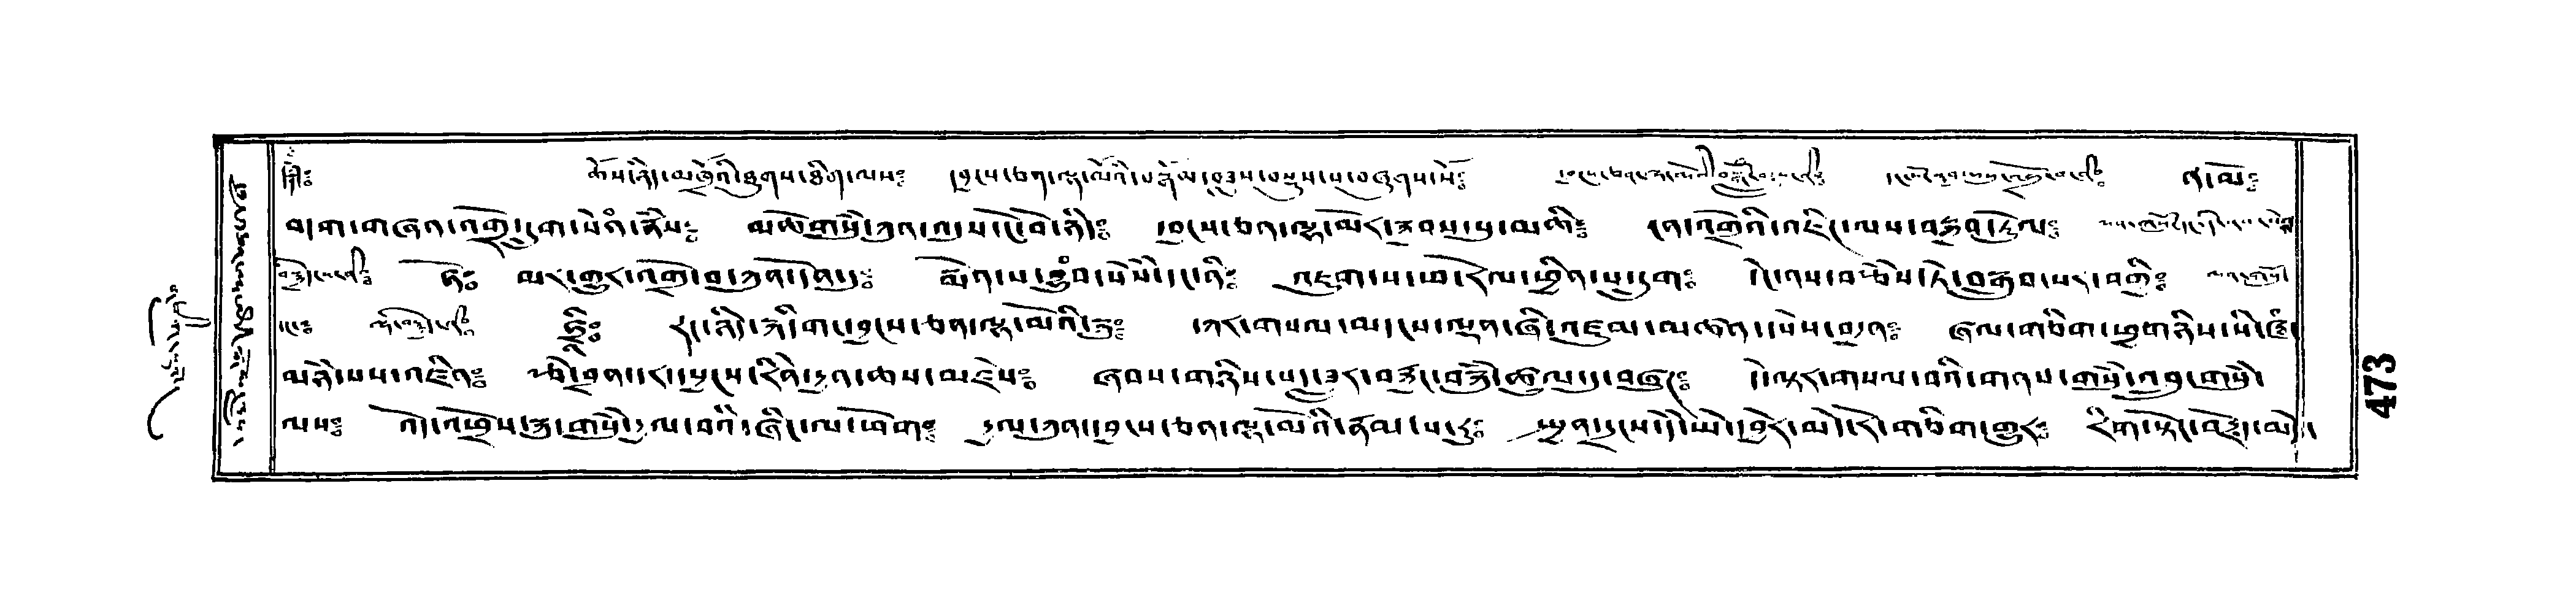ཆོས་ཉིད་མཁའ་འགྲོའི་ཐུགས་ཐིག་ལས༔ དབྱངས་ཅན་ལྷ་མོའི་བསྒོམ་བཟླས་བསྡུས་པ་བཞུགས་སོ༔ དབྱངས་ཅན་ལྷ་མོའི་བསྒོམ་བཟླས་ནི༔ དང་པོ་སྐྱབས་སུ་འགྲོ་བ་ནི༔ ན་མོ༔ 
བདག་གཞན་འགྲོ་དྲུག་སེམས་ཅན་རྣམས༔ མཆོག་གསུམ་ཀུན་འདུས་ངོ་བོ་ཉིད༔ དབྱངས་ཅན་ལྷ་མོར་སྐྱབས་སུ་མཆི༔ ངན་འགྲོའི་འཇིགས་ལས་བསྐྱབ་ཏུ་གསོལ༔ ལན་གསུམ་དང་དེ་ནས་སེམས་
བསྐྱེད་པ་ནི༔ ཧོཿ མར་གྱུར་འགྲོ་བ་ཀུན་དོན་དུ༔ སྨོན་པ་བྱང་ཆུབ་སེམས་དང་ནི༔ འཇུག་པ་ཕ་རོལ་ཕྱིན་པ་དྲུག༔ དེང་ནས་བརྩམས་ཏེ་བསྒྲུབ་པར་བགྱི༔ ལན་གསུམ་
དང༔ ལྷ་བསྐྱེད་ནི༔ ཧྲཱིཿ རང་ཉིད་སྐད་ཅིག་དབྱངས་ཅན་ལྷ་མོའི་སྐུ༔ དཀར་གསལ་མདངས་ལྡན་ཞི་འཛུམ་མཚན་དཔེས་བརྒྱན༔ ཞལ་གཅིག་ཕྱག་གཉིས་པི་ཝཾ་
མཉམ་པས་འཛིན༔ རྩེ་བྲན་དར་དཔྱངས་རིན་ཆེན་རྒྱན་ཆས་མཛེས༔ ཞབས་གཉིས་པད་ཟླར་བརྐྱང་བསྐུམས་ཚུལ་དུ་བཞུགས༔ དེ་ལྟར་གསལ་བའི་གནས་གསུམ་འབྲུ་གསུམ་
ལས༔ འོད་འཕྲོས་སྐུ་གསུམ་རྒྱལ་བའི་ཞིང་ལ་ཕོག༔ རྒྱལ་ཀུན་དབྱངས་ཅན་ལྷ་མོའི་རྣམ་པ་རུ༔ སྤྱན་དྲངས་དམ་ཡེ་དབྱེར་མེད་རོ་གཅིག་གྱུར༔ རིག་སྟོང་བརྗོད་མེད་